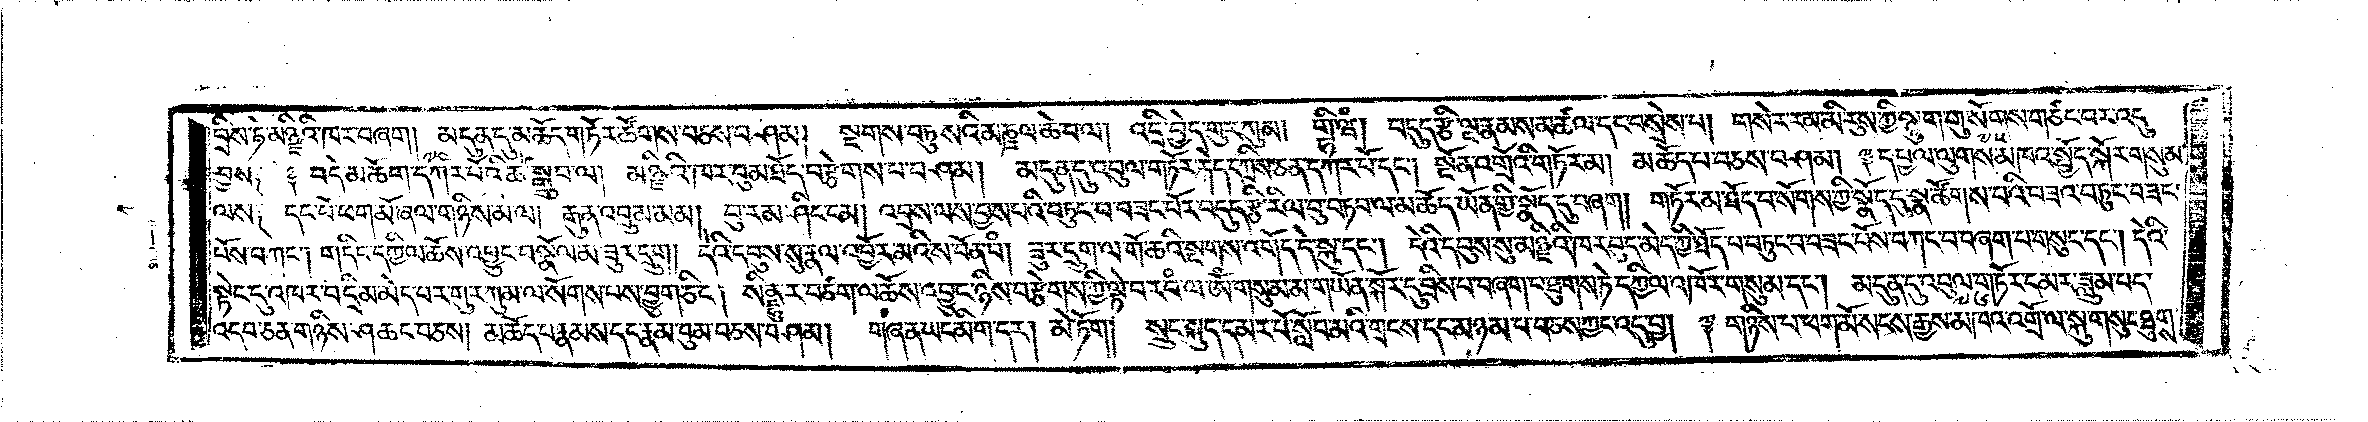བྲིས་ཏེ་མཉྫིའི་ཁར་བཞག། མདུན་དུ་མཆོད་གཏོར་ཚོགས་བཅས་བཤམ། སྔགས་བཏུ་སའི་མཎྜལ་ཆེ་བ་ལ། འདྲི་བྱེད་གུར་ཀུམ། གྷིཝཾ། བདུད་རྩི་ལྔ་རྣམས་མཚལ་དང་བསྲེས་པ། གསེར་རམ་མི་རུས་ཀྱི་སྙུག་གུ་སོགས་གཙང་པར་འདུ་
བྱས༑ ༈ བདེ་མཆོག་དཀར་པོའི་ཚ་སྒྲུབ་ལ། མཉྫིའི་ཁར་བུ་མཐོད་བརྩེགས་པ་བཤམ། མདུན་དུ་འབུལ་གཏོར་རྒོད་དཀྲིས་ཅན་དཀར་པོ་དང་། སྔོན་འགྲོའི་གཏོར་མ། མཆོད་པ་བཅས་བཤམ། ༈ དཔྱལ་ལུགས་མཁའ་སྤྱོད་སྐོར་གསུམ་
ལས༑ དང་པོ་ཕག་མོ་ཞལ་གཉིས་མ་ལ། རྒྱུན་འབྲུམ་མམ། བུ་རམ་ཤིང་ངམ། འབྲས་ལས་བྱས་པའི་བཏུང་བ་བཟང་པོར་བདུད་རྩི་རིལ་བུ་བཏབ་ལ་མཆོད་ཡོན་ཏན་གྱི་སྣོད་དུ་བཞག། གཏོར་མ་ཐོད་བ་སོགས་ཀྱི་སྣོད་དུ་སྣ་ཚོགས་པའི་བཟའ་བཏུང་བཟང་
པོས་བཀང༑ གདིང་དཀྱིལ་ཆོས་འབྱུང་བ་སྣོལ་མ་ཟུར་དྲུག། དེའི་དབུས་སུ་རྣལ་འབྱོར་མའི་ས་བོན་བཾ། ཟུར་དྲུག་ལ་གོ་ཆའི་སྔགས་འགོད་དེ་སྐུ་དང་། དེའི་དབུས་སུ་མཉྫིའི་ཁར་བུད་མེད་ཀྱི་ཐོད་པ་བཏུང་བ་བཟང་པོས་བཀང་བ་བཞག་པ་གསུང་དང་། དེའི་སྟེང་དུ་འཁར་བ་དྲི་མ་མེད་པར་གུར་ཀུམ་ལ་སོགས་པས་བྱུག་ཅིང་། སིནྡྷུ་ར་བཙག་ལ་ཆོས་འབྱུང་ཉིས་བརྩེགས་ཀྱི་ལྟེ་བར་བཾ་ལ་ཨོཾ་གསུམ་མ་གཡོན་སྐོར་དུ་བྲིས་པ་བཞག་པ་ཐུགས་ཏེ་དཀྱིལ་འཁོར་གསུམ་དང་། མདུན་དུ་འབུལ་གཏོར་དམར་ཟླུམ་པད་
འདབ་ཅན་གཉིས་ཤ་ཆང་བཅས། མཆོད་པ་རྣམས་དང་རྣམ་བུམ་བཅས་བཤམ། གཞན་ཡང་མིག་དར། མེ་ཏོག། སྲུང་སྐུད་དམར་པོ་སློབ་མའི་གྲངས་དང་མཉམ་པ་བཅས་ཀྱང་འདུ་བྱ། ༈ གཉིས་པ་ཕག་མོ་སངས་རྒྱས་མཁའ་འགྲོ་ལ་སྐུ་གསུང་ཐུགས་